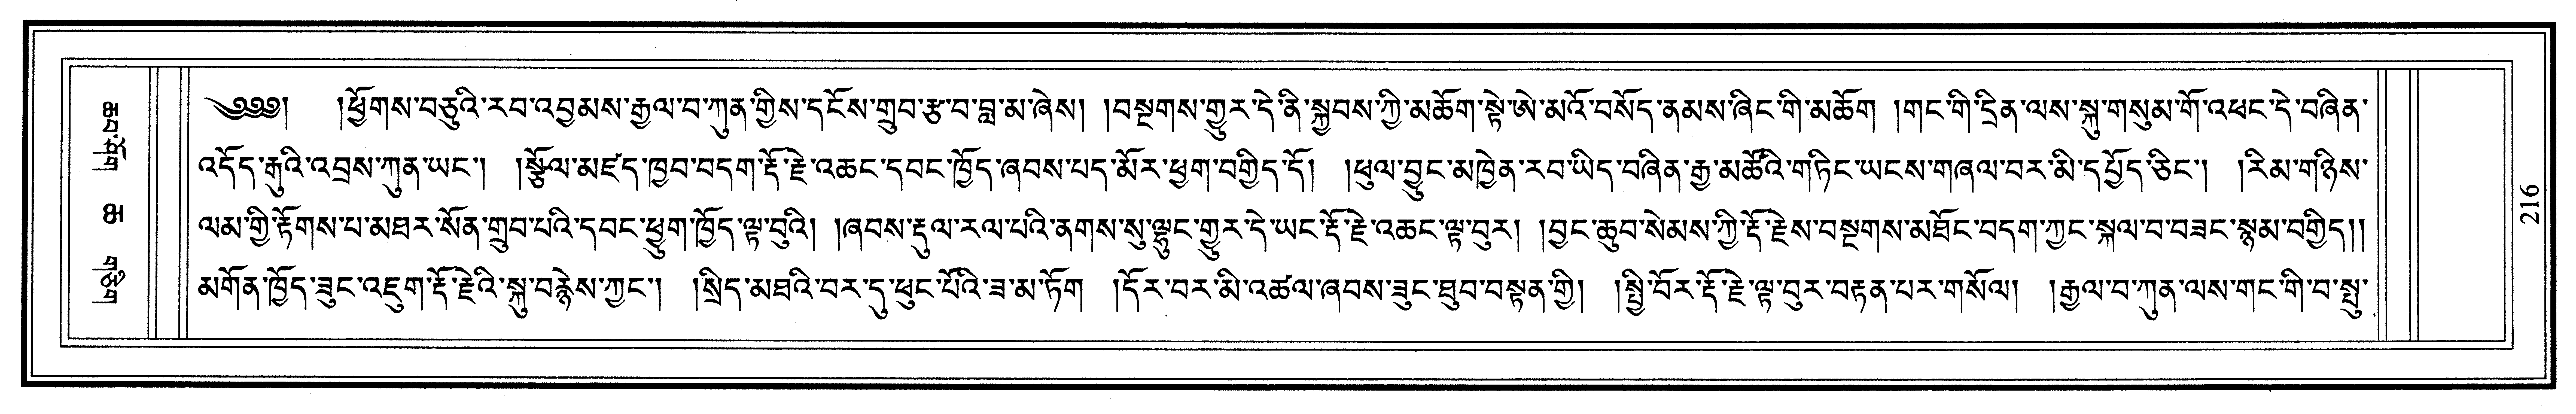༄༅༅། །ཕྱོགས་བཅུའི་རབ་འབྱམས་རྒྱལ་བ་ཀུན་གྱིས་དངོས་གྲུབ་རྩ་བ་བླ་མ་ཞེས། །བསྔགས་གྱུར་དེ་ནི་སྐྱབས་ཀྱི་མཆོག་སྟེ་ཨེ་མའོ་བསོད་ནམས་ཞིང་གི་མཆོག །གང་གི་དྲིན་ལས་སྐུ་གསུམ་གོ་འཕང་དེ་བཞིན་
འདོད་རྒུའི་འབྲས་ཀུན་ཡང་། །སྩོལ་མཛད་ཁྱབ་བདག་རྡོ་རྗེ་འཆང་དབང་ཁྱོད་ཞབས་པད་མོར་ཕྱག་བགྱིད་དོ། །ཕུལ་བྱུང་མཁྱེན་རབ་ཡིད་བཞིན་རྒྱ་མཚོའི་གཏིང་ཡངས་གཞལ་བར་མི་དཔྱོད་ཅིང་། །རིམ་གཉིས་
ལམ་གྱི་རྟོགས་པ་མཐར་སོན་གྲུབ་པའི་དབང་ཕྱུག་ཁྱོད་ལྟ་བུའི། །ཞབས་རྡུལ་རལ་པའི་ནགས་སུ་ལྷུང་གྱུར་དེ་ཡང་རྡོ་རྗེ་འཆང་ལྟ་བུར། །བྱང་ཆུབ་སེམས་ཀྱི་རྡོ་རྗེས་བསྔགས་མཐོང་བདག་ཀྱང་སྐལ་བ་བཟང་སྙམ་བགྱིད།།
མགོན་ཁྱོད་ཟུང་འཇུག་རྡོ་རྗེའི་སྐུ་བརྙེས་ཀྱང་། །སྲིད་མཐའི་བར་དུ་ཕུང་པོའི་ཟ་མ་ཏོག །དོར་བར་མི་འཚལ་ཞབས་ཟུང་ཐུབ་བསྟན་གྱི། །སྤྱི་བོར་རྡོ་རྗེ་ལྟ་བུར་བརྟན་པར་གསོལ། །རྒྱལ་བ་ཀུན་ལས་གང་གི་བ་སྤུ་